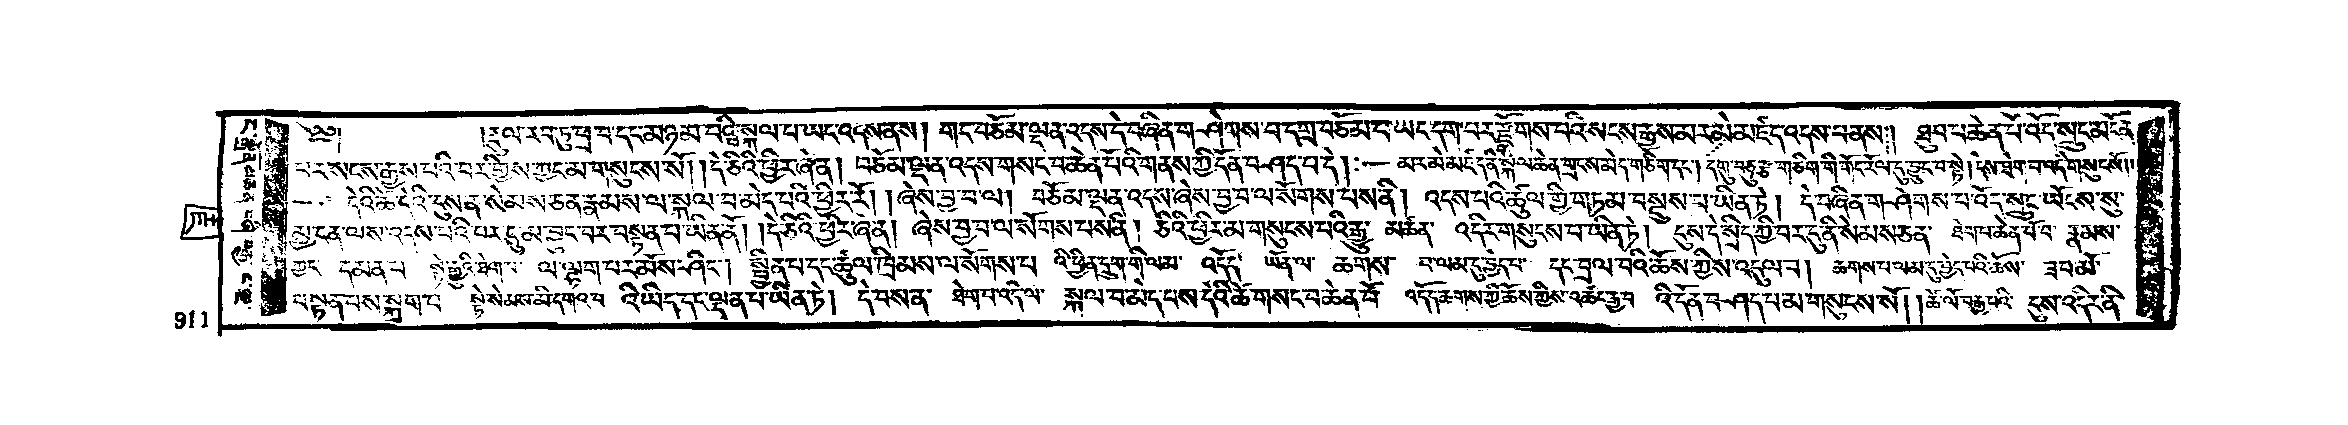༄༅། །རྡུལ་རབ་ཏུ་ཕྲ་བ་དང་མཉམ་པའི་བསྐལ་པ་ཡང་འདས་ནས། གང་བཅོམ་ལྡན་འདས་དེ་བཞིན་གཤེགས་པ་དགྲ་བཅོམ་པ་ཡང་དག་པར་རྫོགས་པའི་སངས་རྒྱས་མར་མེ་མཛད་འདས་པ་ནས། ཐུབ་པ་ཆེན་པོ་འོད་སྲུང་མངོན་
པར་སངས་རྒྱས་པའི་བར་གྱིས་ཀྱང་མ་གསུངས་སོ། །དེ་ཅིའི་ཕྱིར་ཞེ་ན། བཅོམ་ལྡན་འདས་གསང་བ་ཆེན་པོའི་གནས་ཀྱི་དོན་བཤད་པ་དེ། མར་མེ་མཛད་ནི་སྐལ་ཆེན་གྲངས་མེད་གཅིག་དང་། དགུ་བཅུ་རྩ་གཅིག་གི་གོང་རོལ་དུ་བྱུང་བ་སྟེ། དེས་ཐེག་པ་འདི་གསུངས་སོ།།
དེའི་ཚེ་དེའི་དུས་ན་སེམས་ཅན་རྣམས་ལ་སྐལ་བ་མེད་པའི་ཕྱིར་རོ། །ཞེས་བྱ་བ་ལ། བཅོམ་ལྡན་འདས་ཞེས་བྱ་བ་ལ་སོགས་པས་ནི། འདས་པའི་ཚུལ་གྱི་གཏམ་བསྡུས་པ་ཡིན་ཏེ། དེ་བཞི་གཤེགས་པ་འོད་སྲུང་ཡོངས་སུ་
མྱ་ངན་ལས་འདས་པའི་བར་དུ་མ་བྱུང་བར་བསྟན་པ་ཡིན་ནོ། །དེ་ཅིའི་ཕྱིར་ཞེ་ན། ཞེས་བྱ་བ་ལ་སོགས་པས་ནི། ཅིའི་ཕྱིར་མ་གསུངས་པའི་རྒྱུ་མཚན་འདིར་གསུངས་པ་ཡིན་ཏེ། དུས་དེ་སྲིད་ཀྱི་བར་དུ་ནི་སེམས་ཅན་ཐག་པ་ཆེན་པོ་བ་རྣམས་
ཀྱང་དམན་པ་སྟེ་རྒྱུའི་ཐེག་པ་ལ་ལྷག་པར་མོས་ཤིང་། སྦྱིན་པ་དང་ཚུལ་ཁྲིམས་ལ་སོགས་པའི་ཕྱིན་དྲུག་གི་ལམ་འདོད་ཡོན་ལ་ཆགས་པ་ལམ་དུ་བྱེད་པ་དང་བྲལ་བའི་ཆོས་ཀྱིས་འདུལ་བ། ཆགས་པ་ལམ་དུ་བྱེད་པའི་ཆོས་ཟབ་མོ་
བསྟན་པས་སྐྲག་པ་སྟེ་སེམས་མི་དགའ་བའི་ཡིད་དང་ལྡན་པ་ཡིན་ཏེ། དེ་བས་ན་ཐེག་པ་འདི་ལ་སྐལ་བ་མེད་པས་དེའི་ཆོ་གསང་བ་ཆེན་པོ་འདོད་ཆགས་ཀྱི་ཆོས་ཀྱིས་འཚང་རྒྱ་བའི་དོན་བཤད་པ་མ་གསུངས་སོ། །ཚེ་ལོ་བརྒྱ་བའི་དུས་འདིར་ནི་